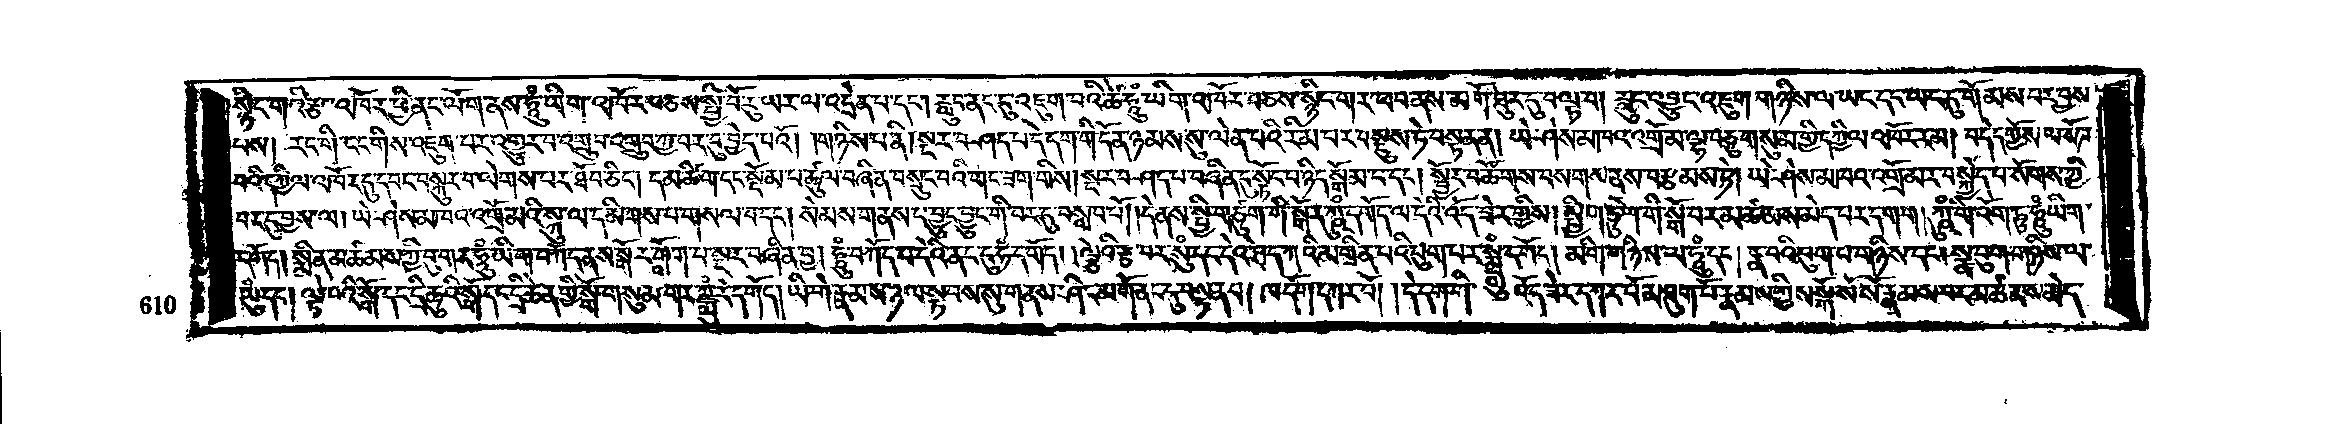སྙིང་གའི་རྩ་འཁོར་ཕྱི་ནང་ལོག་ནས་ཧཱུཾ་ཡིག་འཁོར་བཅས་སྤྱི་བོ་རུ་ཡར་ལ་འདྲེན་པ་དང་། རླུང་ནང་དུ་འཇུག་པའི་ཚེ་ཧཱུཾ་ཡིག་འཁོར་བཅས་སྙིང་གར་ཕབ་ནས་མགོ་ཐུར་དུ་བལྟ་བ། རླུང་འབྱུང་འཇུག་གཉིས་ལ་ཡང་དང་ཡང་དུ་གོམས་པར་བྱས་
པས། རང་གི་ངང་གིས་འཇུག་པར་འགྱུར་བ་འགྲུབ་འགྲུབ་ཀྱི་བར་དུ་བྱེད་པའོ། །གཉིས་པ་ནི། སྔར་བཤད་པ་དེ་དག་གི་དོན་ཉམས་སུ་ལེན་པའི་རིམ་པར་བསྡུས་ཏེ་བསྟན་ན། ཡེ་ཤེས་མཁའ་འགྲོ་མ་ལྷ་བཅུ་གསུམ་གྱི་དཀྱིལ་འཁོར་རམ། བདེད་གྱོས་ལ་སོགས་
བའི་དཀྱིལ་འཁོར་དུ་དབང་བསྐུར་བ་ལེགས་པར་ཐོབ་ཅིང་། དམ་ཚིག་དང་སྡོམ་པ་ཚུལ་བཞིན་བསྲུང་བའི་གང་ཟག་གིས། སྔར་བཤད་པ་བཞིན་དུ་སྟོང་པ་ཉིད་སྒོམ་པ་དང་། སྦྱོར་བ་ཚོགས་བསགས་ནས་བརྩམས་ཏེ། ཡེ་ཤེས་མཁའ་འགྲོ་མར་བསྐྱེད་པ་སོགས་ཀྱི་
བར་དུ་བྱས་ལ། ཡེ་ཤེས་མཁའ་འགྲོ་མའི་སྐུ་ལ་དམིགས་པ་གསལ་བ་དང་། སེམས་གནས་པ་བྱུང་བྱུང་གི་བར་དུ་བསླབ་པོ། །དེ་ནས་སྤྱི་གཙུག་གི་སྒོར་ཀྵུཾ་དགོད་ལ་དེའི་འོད་ཟེར་གྱིས། སྤྱི་གཙུག་གི་སྒོ་བར་མཚམས་མེད་པར་དགག །ཀྵུཾ་གི་འོག་ཏུ་ཧཱུཾ་ཡིག་
དགོད། སྨིན་མཚམས་ཀྱི་བུ་གར་ཧཱུཾ་ཡིག་བཀོད་ནས་སྒོར་འགོག་པ་སྔར་བཞིན་བྱ། ཧཱུཾ་བཀོད་པ་དེའི་ནང་དུ་ཧཾ་དགོད། །ལྕེའི་རྩ་བར་སུཾ་དང་དེའི་ཐད་ཀའི་མགྲིན་པའི་བུག་པར་སྨྲྱུཾ་དགོད། མིག་གཉིས་ལ་ཧཱུཾ་དང་། རྣ་བའི་བུག་པ་གཉིས་དང་། སྣ་བུག་གཉིས་ལ་
ཡུཾ་དང་། ལྟེ་བའི་སྒོ་དང་དྲི་ཆུའི་སྒོ་དང་དྲི་ཆེན་གྱི་སྒོ་གསུམ་གར་ཀྵྲྱུཾ་?་རེ་དགོད། ཡི་གེ་རྣམས་ཉལ་སྟབས་སུ་གནས་ཤིང་མགོ་ནང་དུ་བསྟན་པ། ཁ་དོག་དཀར་པོ། །དེ་དག་གི་འོད་ཟེར་དཀར་པོ་མཐུག་པོ་རྣམས་ཀྱིས་སྒོ་སོ་སོ་རྣམས་བར་མཚམས་མེད་